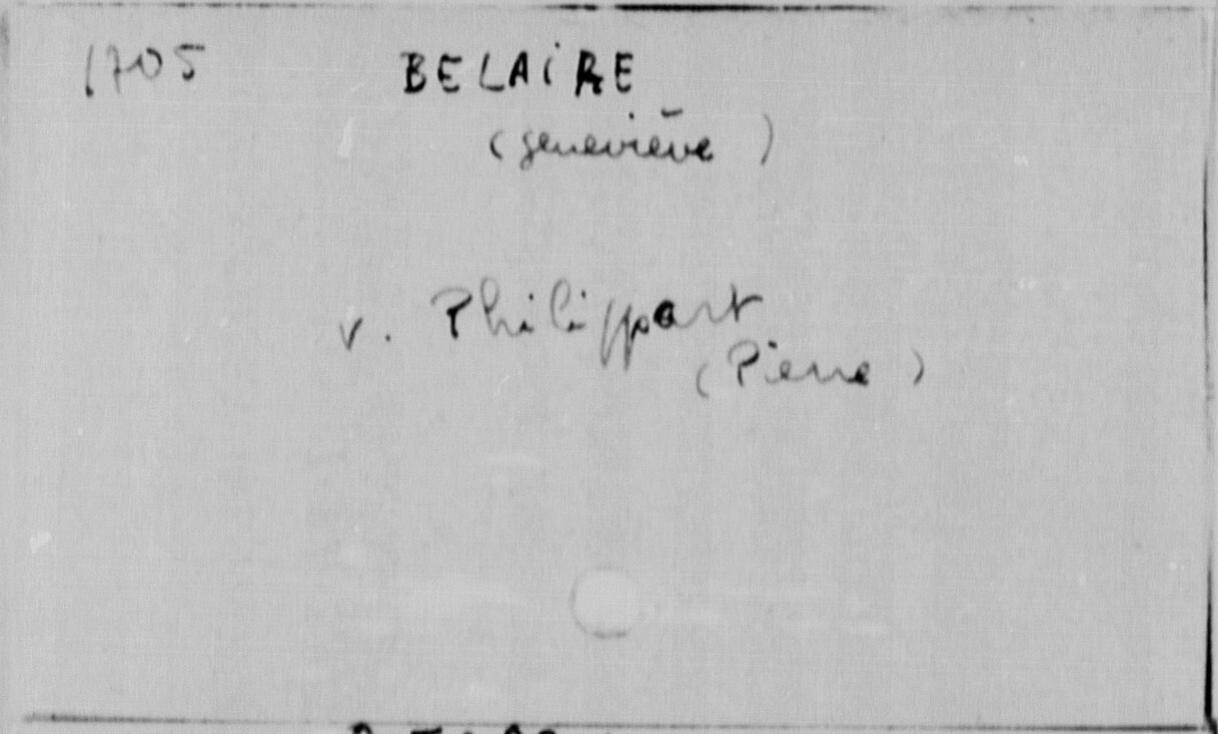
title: BELAIRE (Geneviève)
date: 1705
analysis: Voir PHILIPPART (Pierre)
